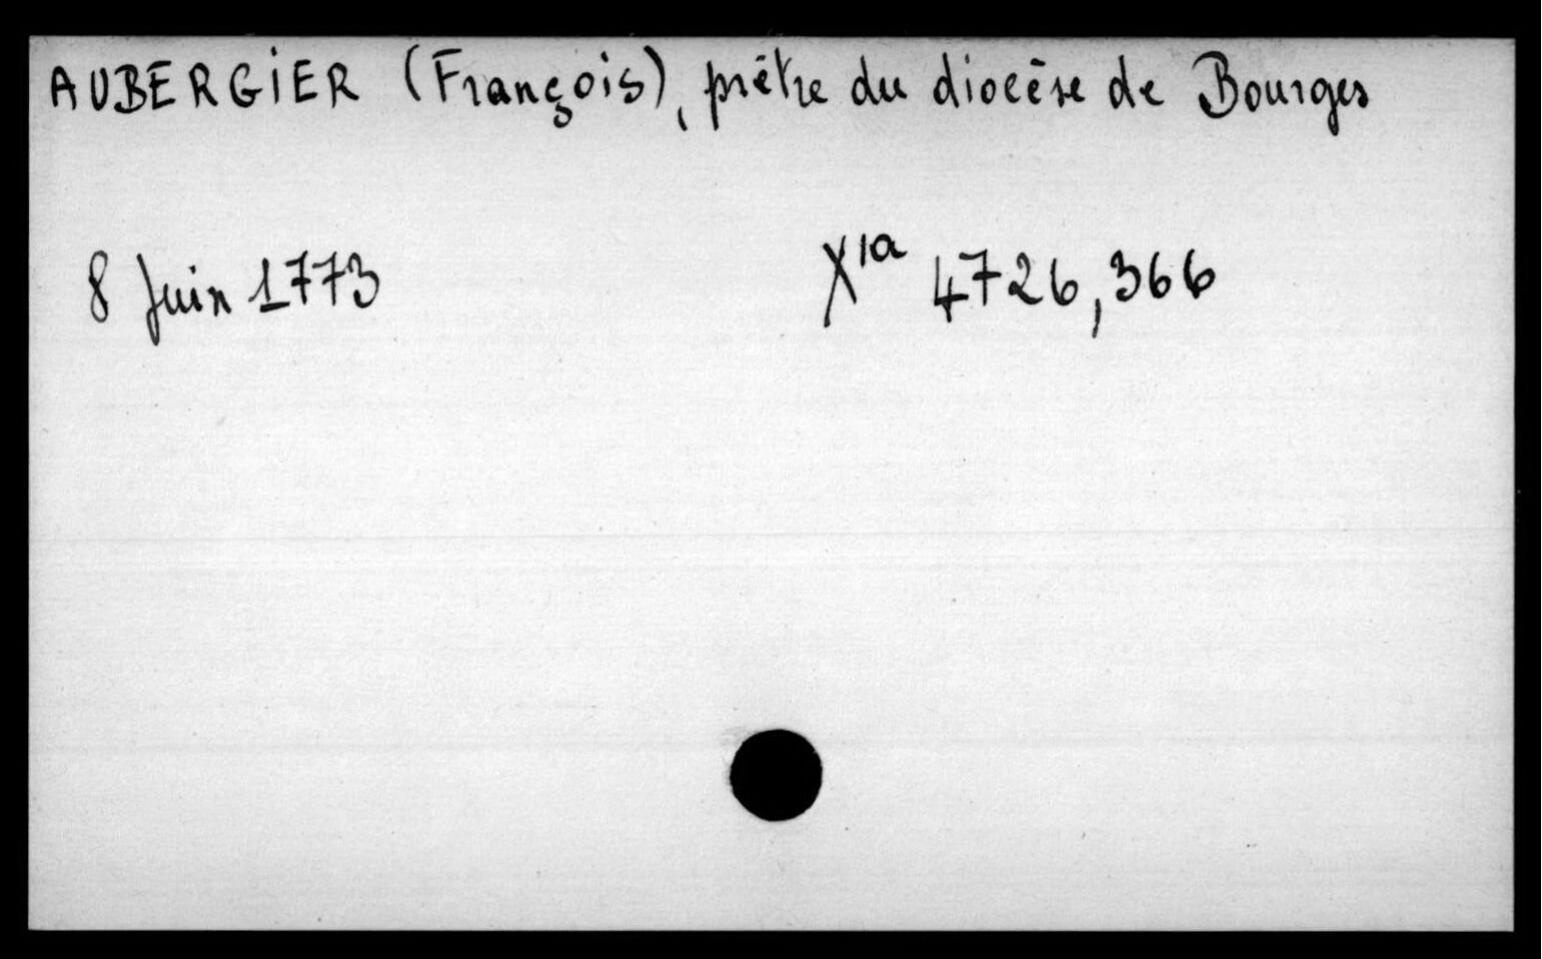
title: AUBERGIER (François), prêtre du diocèse de Bourges
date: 8 juin 1773
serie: X1a
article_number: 4726
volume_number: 366
